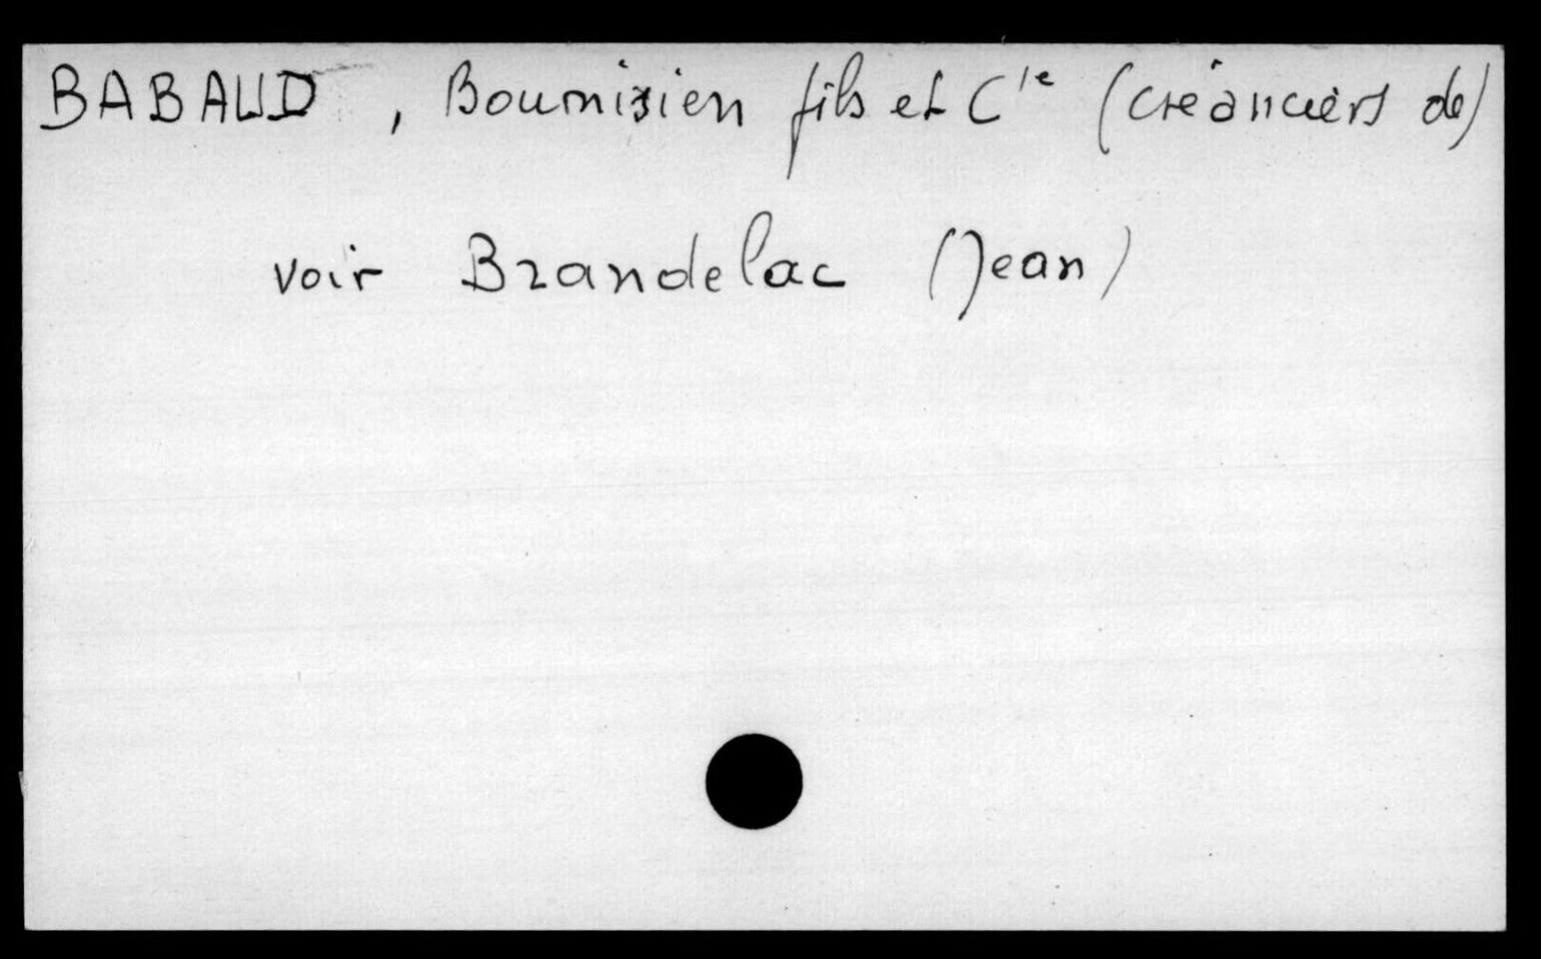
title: BABAUD, Bournisien fils et compagnie (Créanciers de)
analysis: Voir Brandelac (Jean)
